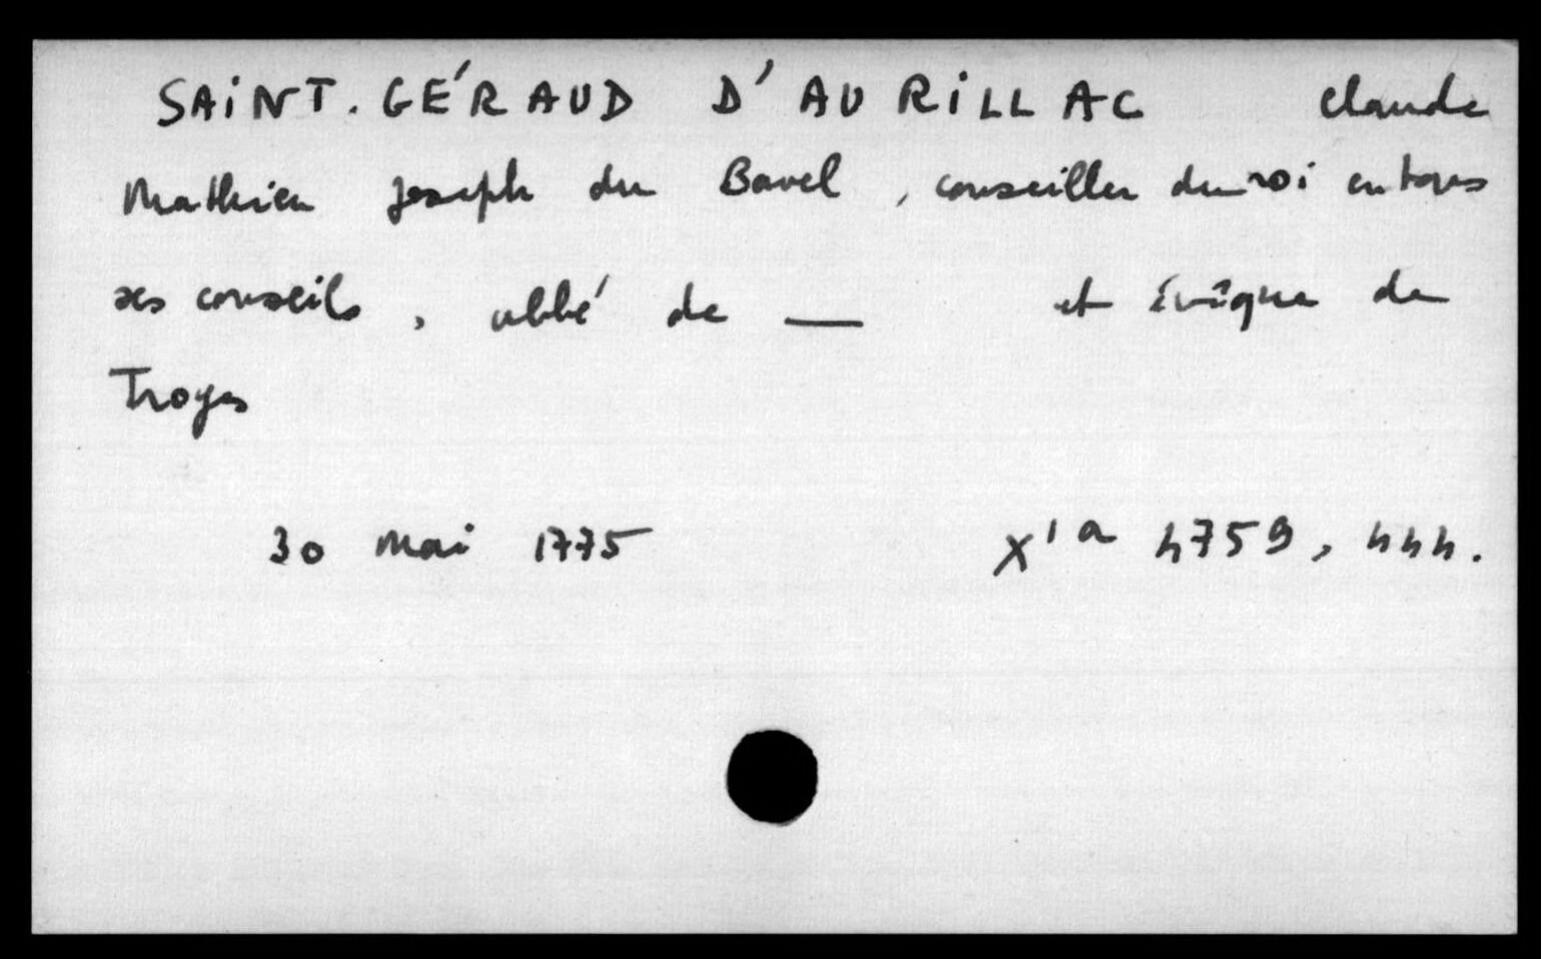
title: SAINT-GERAUD D'AURILLAC Claude mathieu Joseph du Bavel, conseiller du roi en tous ses conseils, abbé de ----- et évêque de Troyes
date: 30 mai 1775
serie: X1a
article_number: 4759
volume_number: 444
